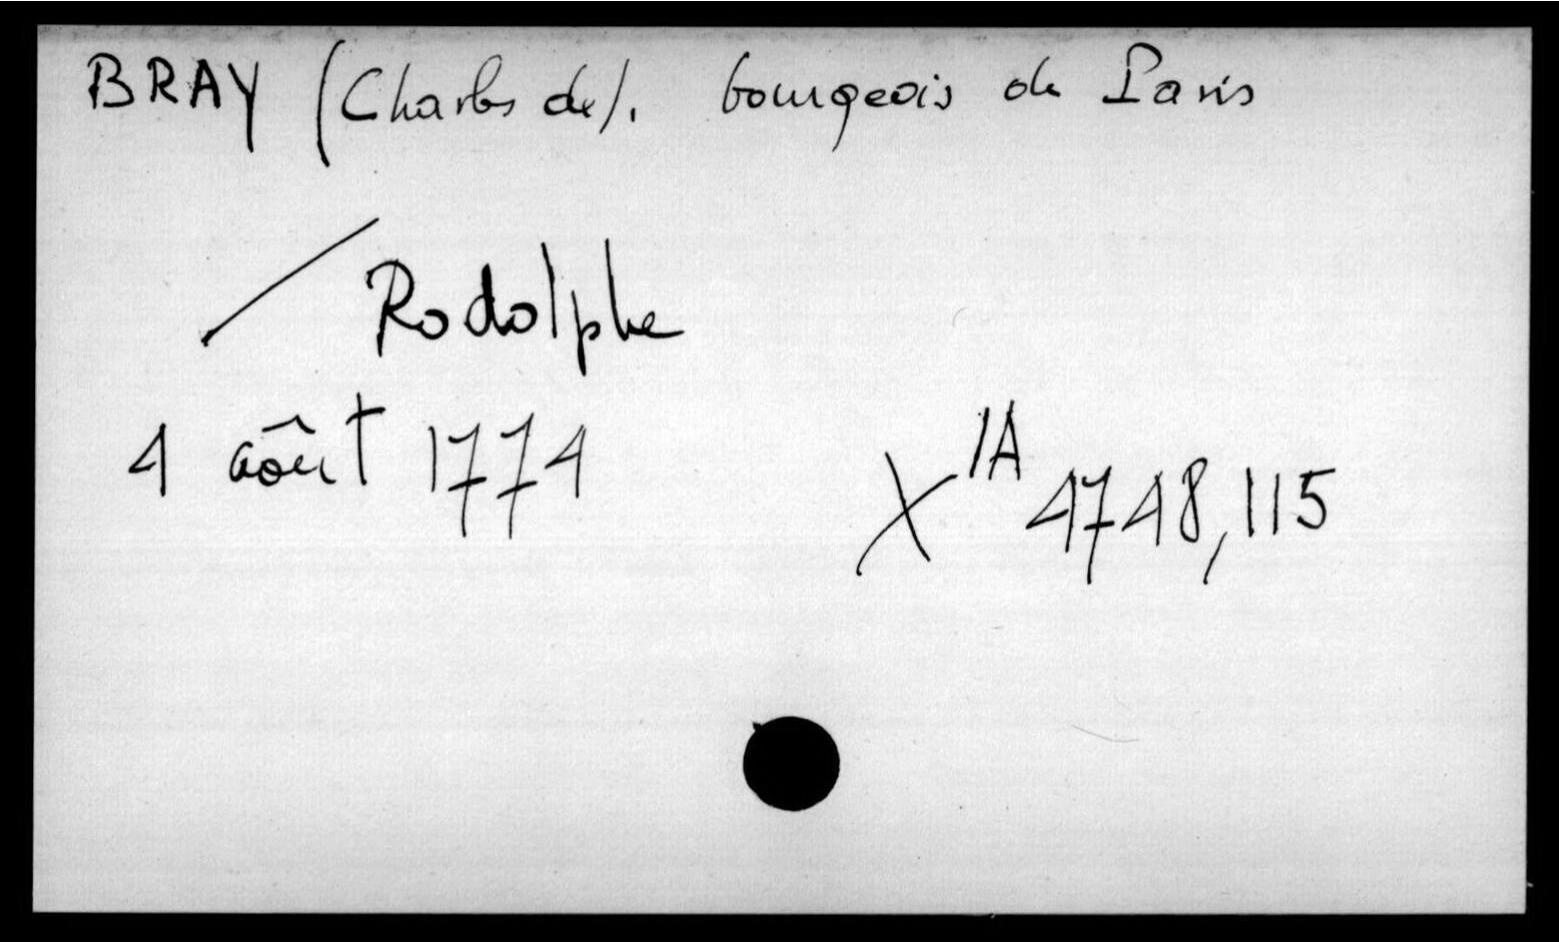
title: BRAY (Charles de), bourgeois de Paris
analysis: Contre Rodolphe
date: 4 août 1774
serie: X1A
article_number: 4748
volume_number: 115
